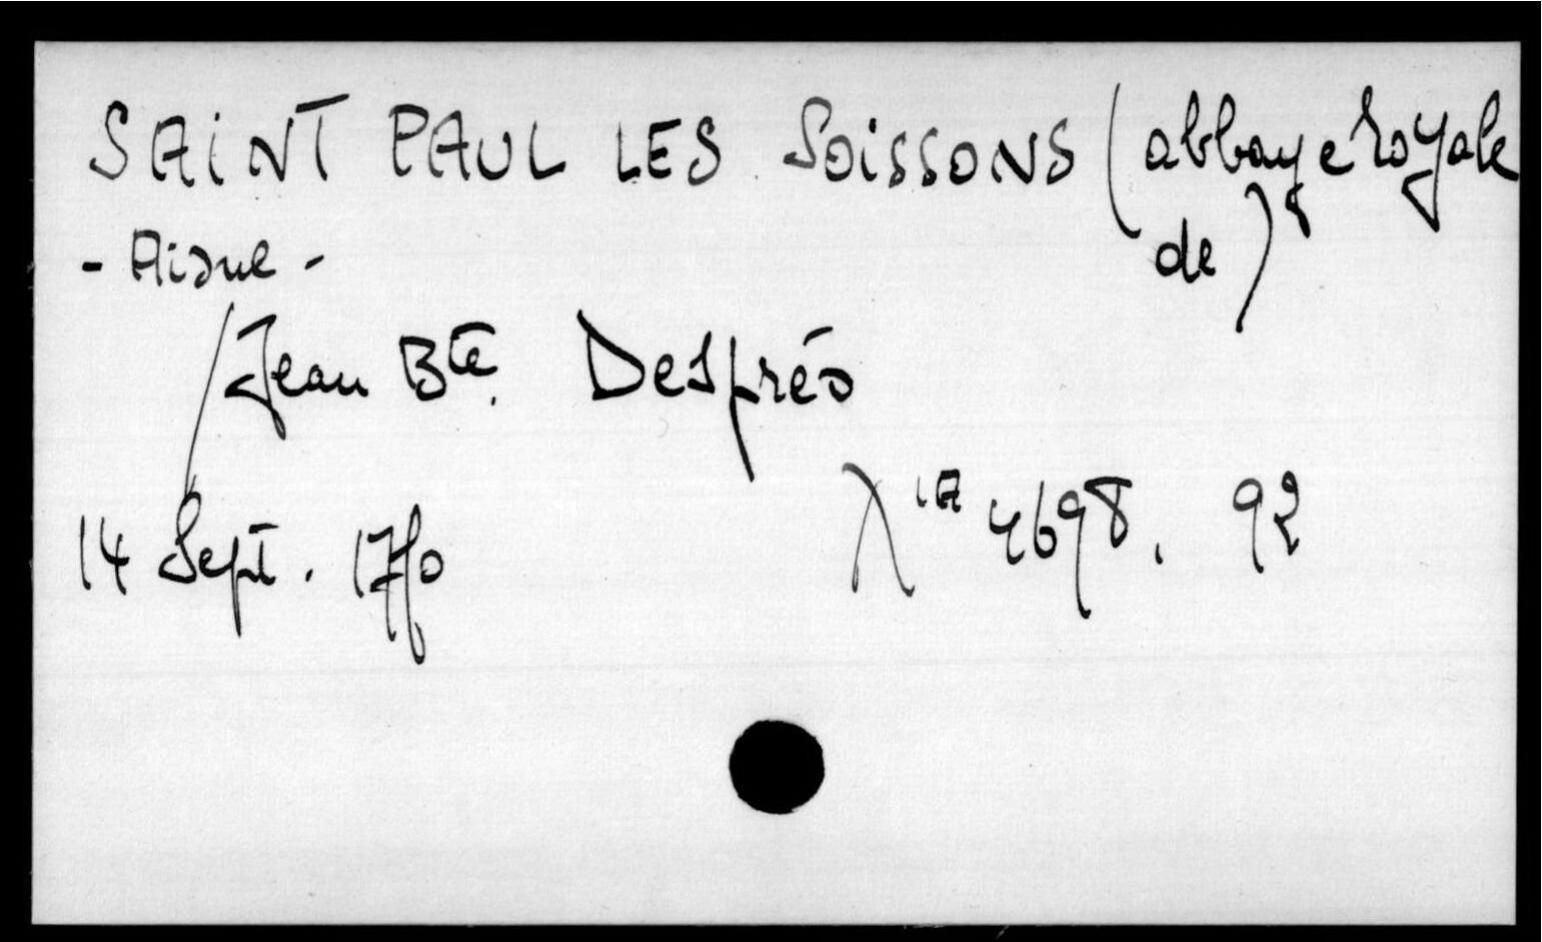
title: SAINT PAUL LES-SOISSONS (abbaye royale de) -Aisne -
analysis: Contre Jean Baptiste Després
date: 14 septembre 1770
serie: X1A
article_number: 4698
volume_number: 92
